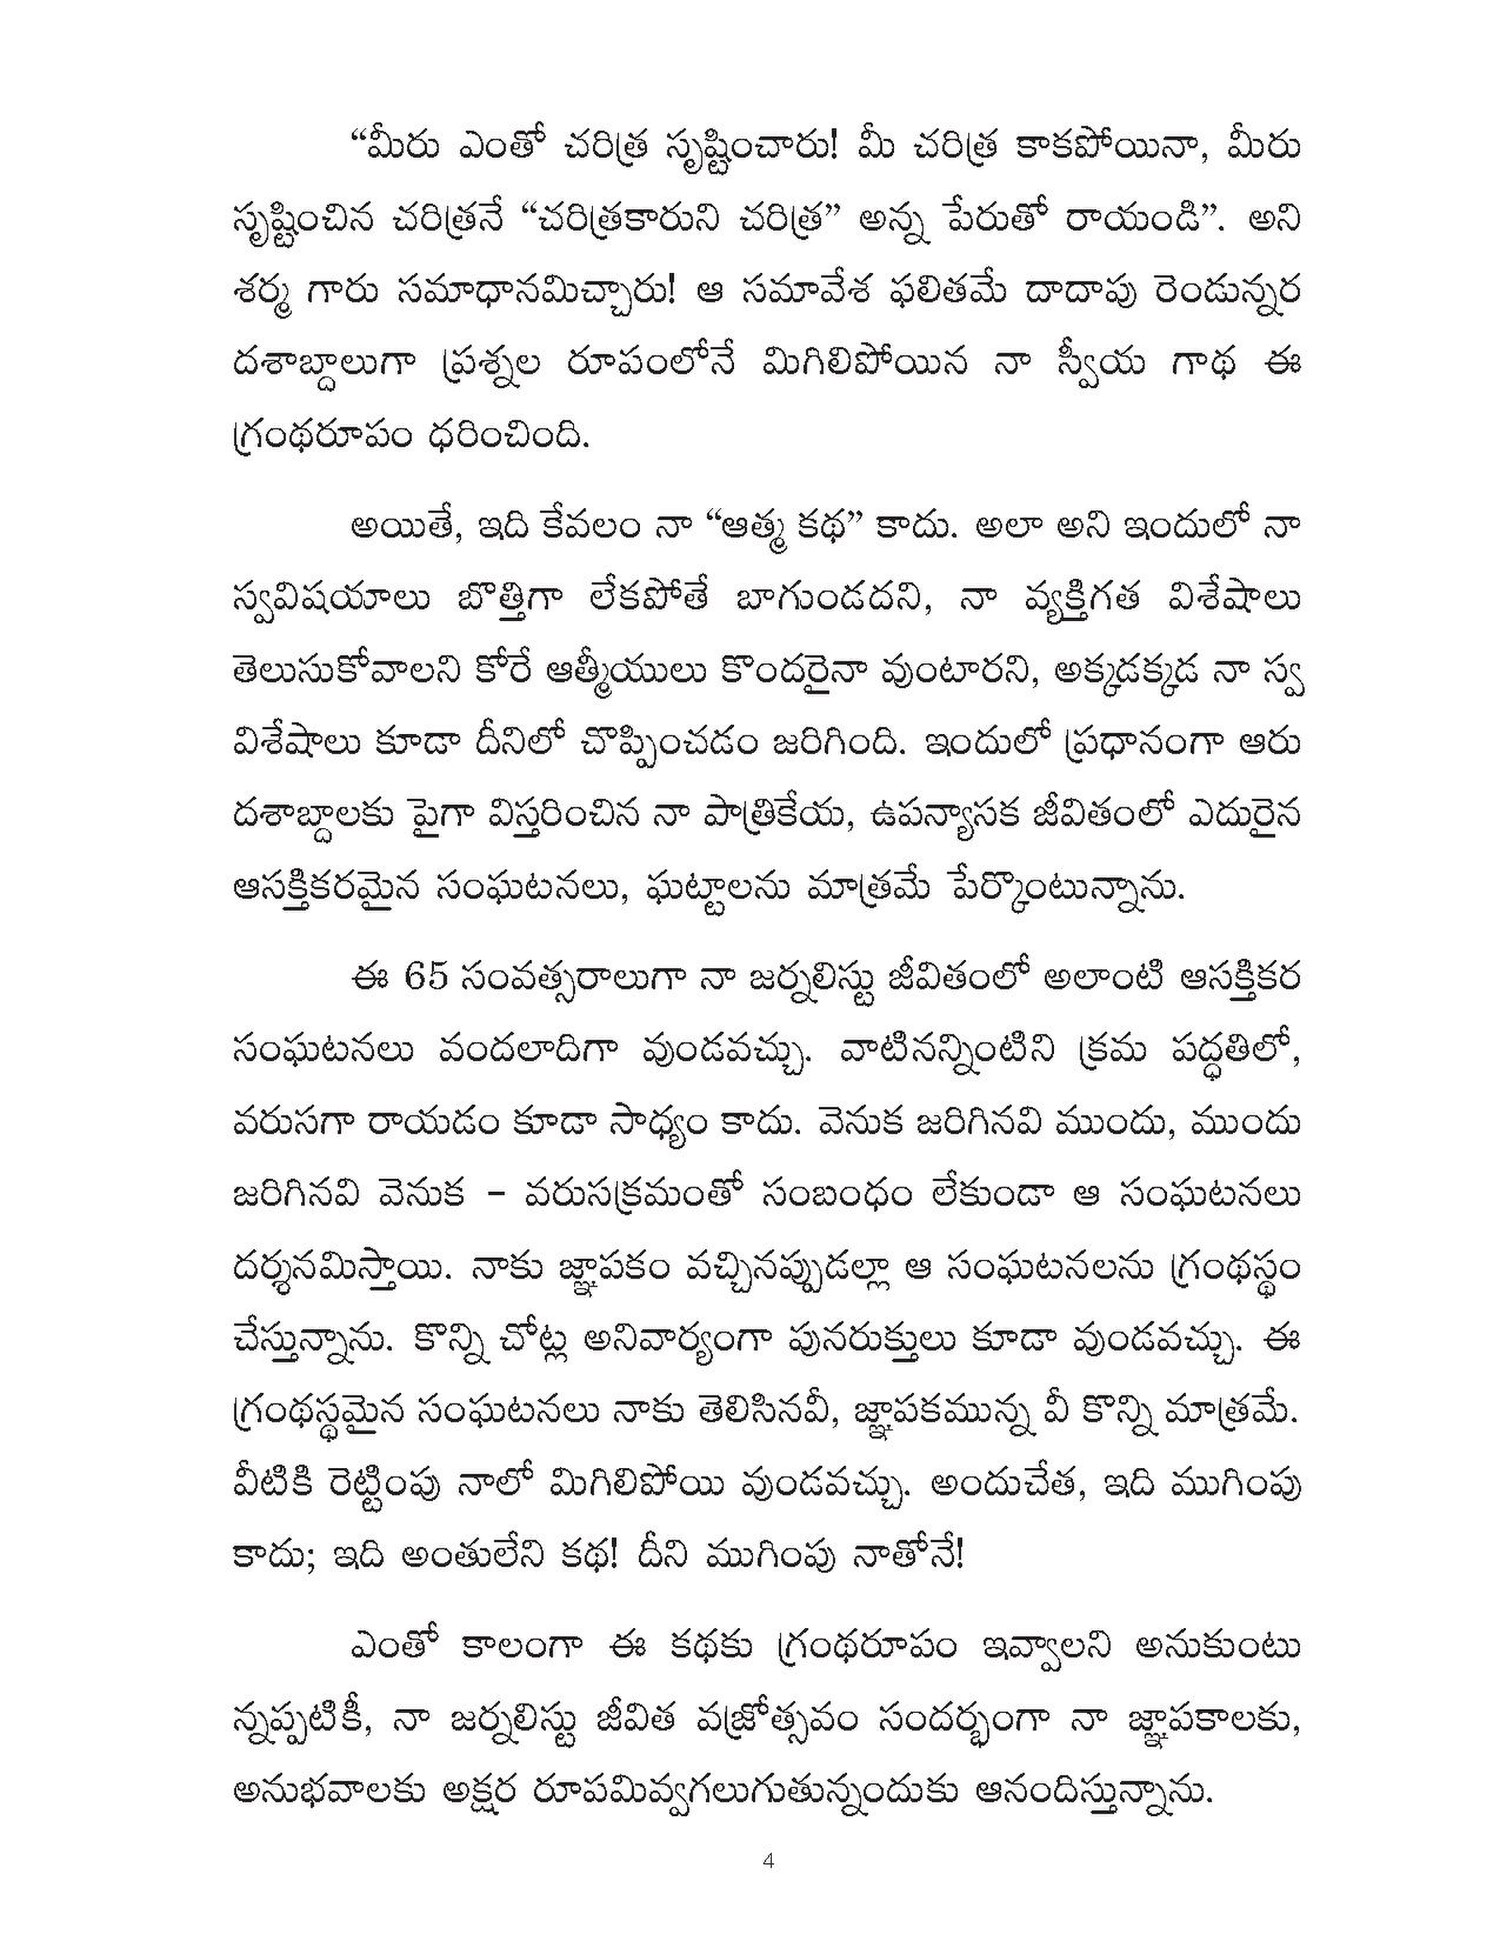"మీరు ఎంతో చరిత్ర సృష్టించారు! మీ చరిత్ర కాకపోయినా, మీరు
సృష్టించిన చరిత్రనే "చరిత్రకారుని చరిత్ర" అన్న పేరుతో రాయండి". అని
శర్మ గారు సమాధానమిచ్చారు! ఆ సమావేశ ఫలితమే దాదాపు రెండున్నర
దశాబ్దాలుగా ప్రశ్నల రూపంలోనే మిగిలిపోయిన నా స్వీయ గాథ ఈ
గ్రంథంరూపం ధరించింది.

అయితే, ఇది కేవలం నా "ఆత్మ కథ" కాదు. అలా అని ఇందులో నా
స్వవిషయాలు బొత్తిగా లేకపోతే బాగుండదని, నా వ్యక్తిగత విశేషాలు
తెలుసుకోవాలని కోరే ఆత్మీయులు కొందరైనా వుంటారని, అక్కడక్కడ నా స్వ
విశేషాలు కూడా దీనిలో చొప్పించం జరిగింది. ఇందులో ప్రధానంగా ఆరు
దశాబ్దాలకు పైగా విస్తరించిన నా పాత్రికేయ, ఉపన్యాసక జీవితంలో ఎదురైన
ఆసక్తికరమైన సంఘటనలు, ఘట్టాలను మాత్రమే పేర్కొంటున్నాను.

ఈ 65 సంవత్సరాలుగా నా జర్నలిస్టు జీవితంలో అలాంటి ఆసక్తికర
సంఘటనలు వందలాదిగా వుండవచ్చు. వాటినన్నింటిని క్రమ పద్ధతిలో,
వరుసగా రాయడం కూడా సాధ్యం కాదు. వెనుక జరిగినవి ముందు, ముందు
జరిగినవి వెనుక - వరుసక్రమంతో సంబంధం లేకుండా ఆ సంఘటనలు
దర్శనమిస్తాయి. నాకు జ్ఞాపకం వచ్చినప్పుడల్లా ఆ సంఘటనలను గ్రంథస్థం
చేస్తున్నాను. కొన్ని చోట్ల అనివార్యంగా పునరుక్తులు కూడా వుండవచ్చు. ఈ
గ్రంథస్థమైన సంఘటనలు నాకు తెలిసినవీ, జ్ఞాపకమున్న వీ కొన్ని మాత్రమే.
వీటికి రెట్టింపు నాలో మిగిలిపోయి వుండవచ్చు. అందుచేత, ఇది ముగింపు
కాదు; ఇది అంతులేని కథం! దీని ముగింపు నాతోనే!

ఎంతో కాలంగా ఈ కథంకు గ్రంథరూపం ఇవ్వాలని అనుకుంటు
న్నప్పటికీ, నా జర్నలిస్టు జీవిత వజ్రోత్సవం సందర్భంగా నా జ్ఞాపకాలకు,
అనుభవాలకు అక్షర రూపమివ్వగలుగుతున్నందుకు ఆనందిస్తున్నాను.